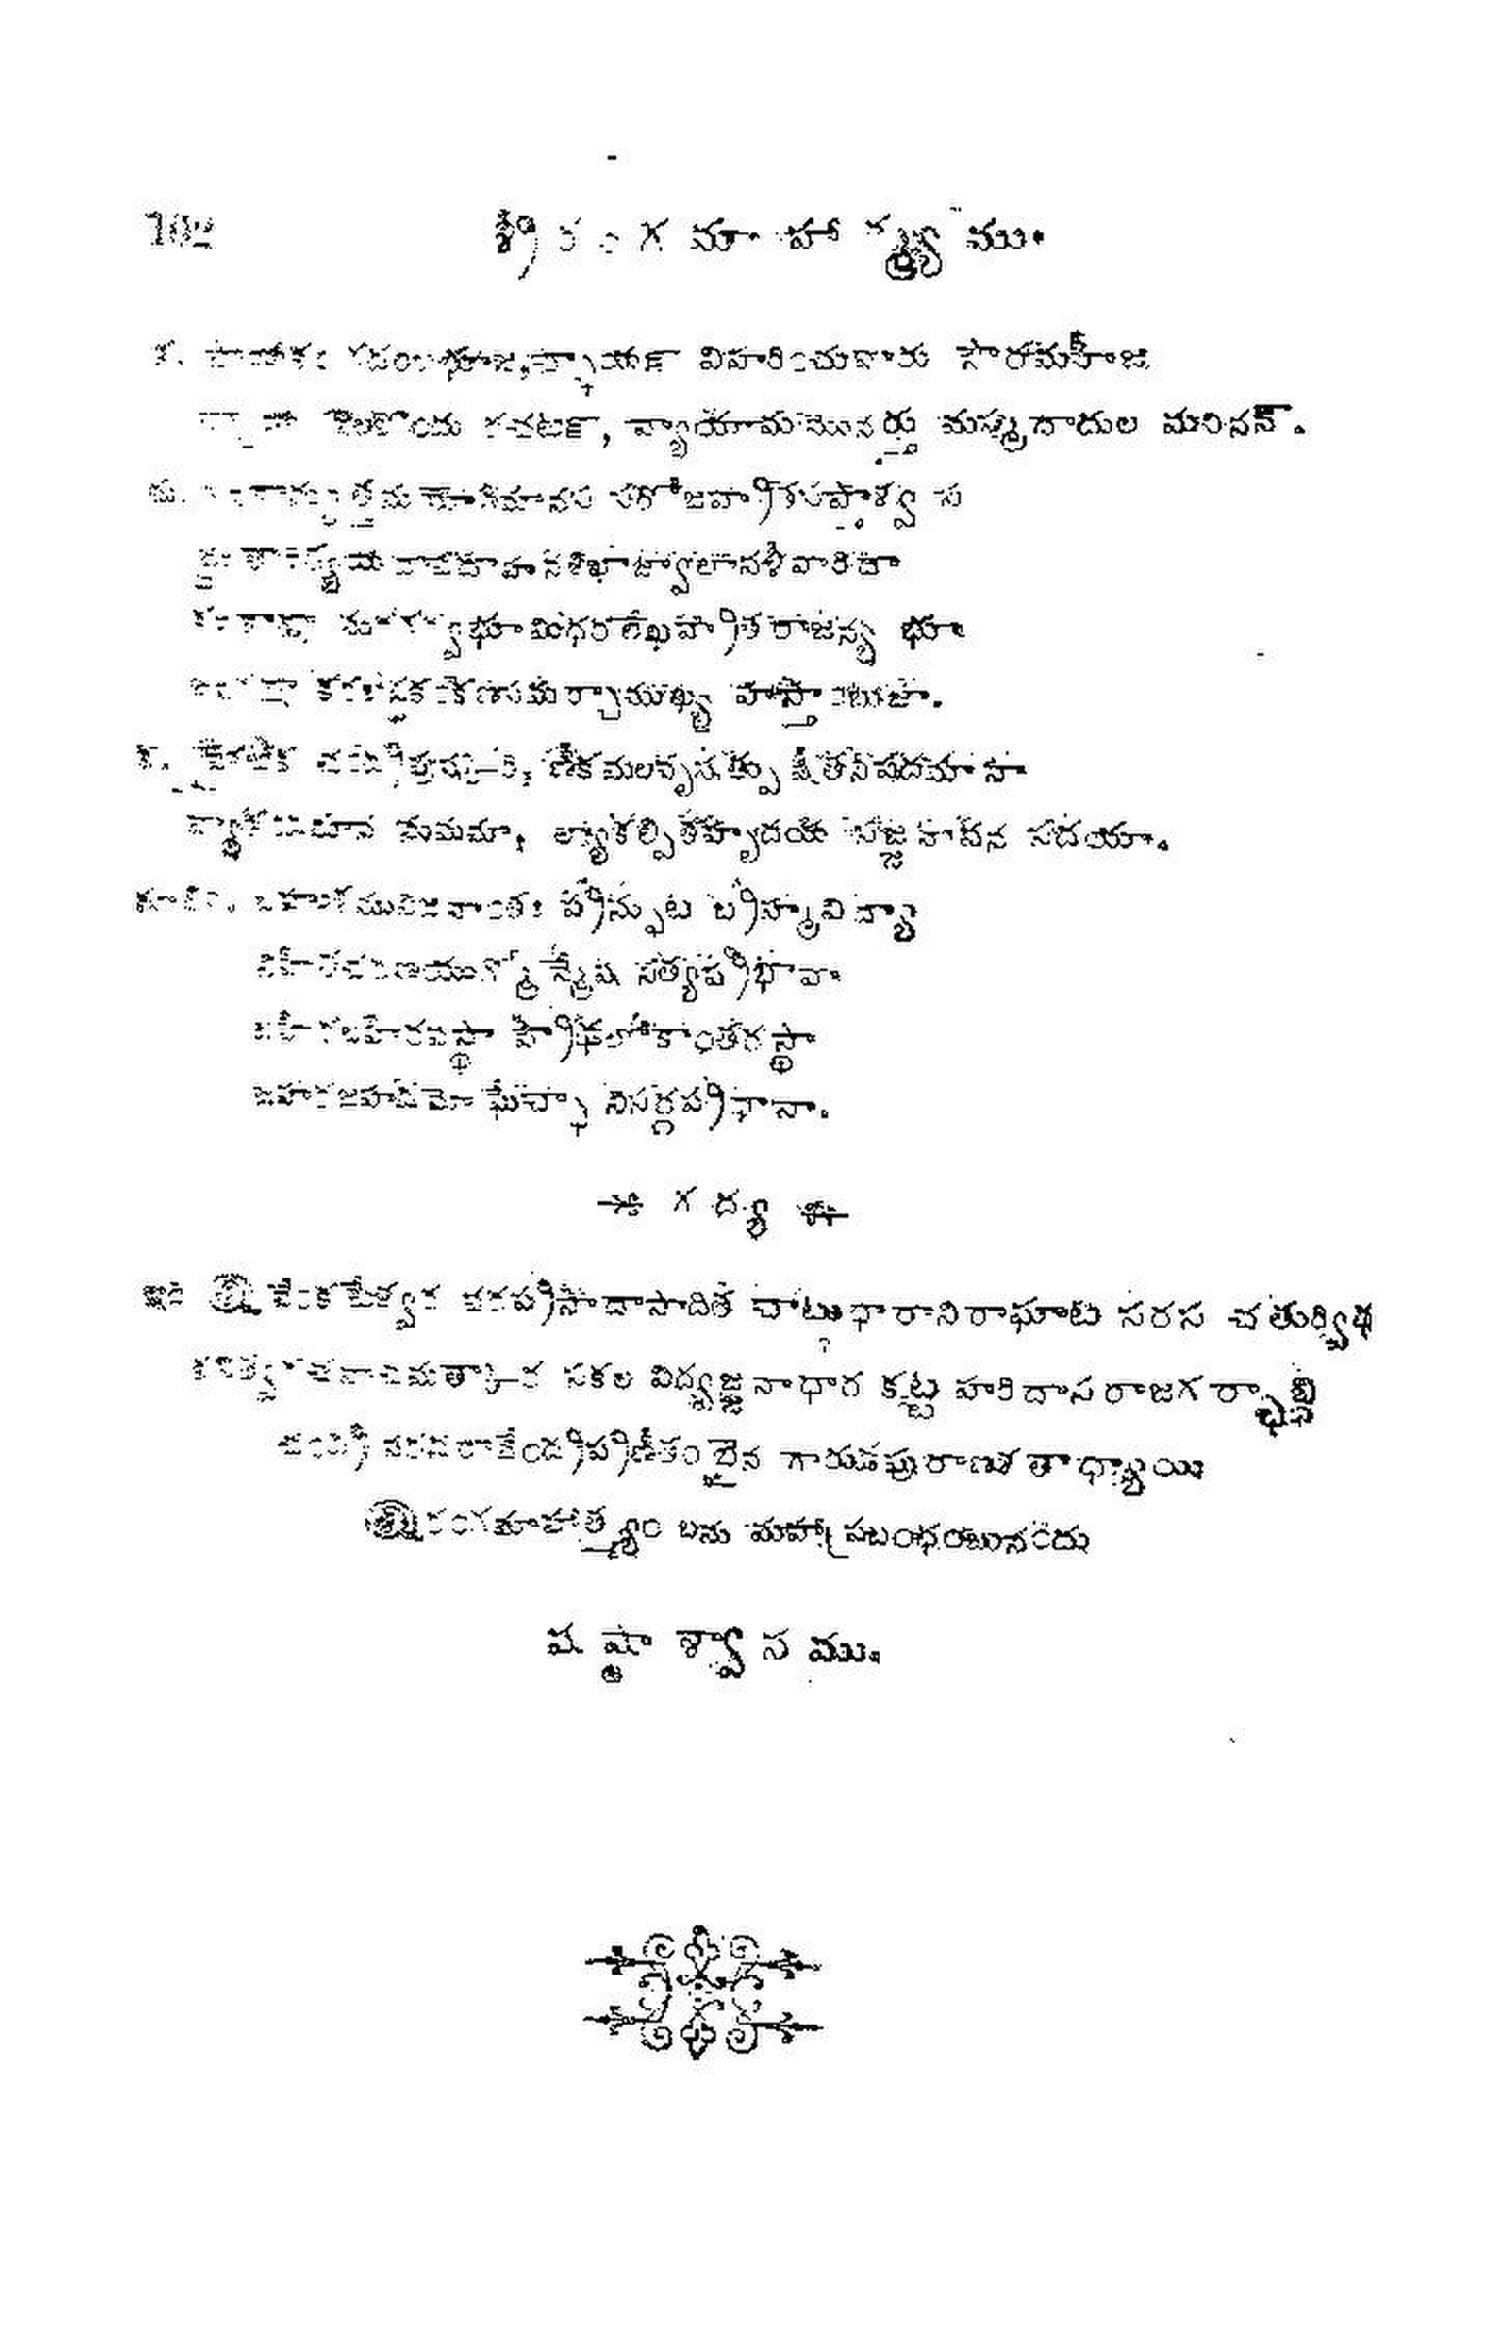క. పాయకఁ గదంబభూజ, చ్ఛాయన్ విహరించువారు సౌరమహీజ
 చ్ఛాయ నెలకొందు రచటన్, వ్యాయామ మొనర్తు మస్మదాదుల మనినన్.
మ. సనకాద్యుత్తమయోగిమానస సరోజవ్రాతసప్తాశ్వ స
 జ్జనతాదిత్యయదావదాహనశిఖాజ్వాలవళీవారిదా
 కనకాక్షా సురగర్వభూమిధరలేఖవ్రాతరాజన్య భూ
 జనరక్షా కరబద్ధకంకణసమర్చాముఖ్య హస్తాంబుజా.
క. వైకటికచంద్రపుష్కరి, ణీకమలవృషత్పుషీతనీపదమానా
 వ్యాకందమాన సుమమా, ల్యాకల్పితహృదయ సజ్జనావన సదయా.
మాలిని. బహుళమునిజనాంతఃప్రస్ఫుట బహ్మవిద్యా
 నిహితచరణయుగ్మోన్మేష సత్యప్రభావా
 బహిరబహిరవస్థా ప్రౌఢలోకాంతరస్థా
 జహరజహదమోఘేచ్చా నిసర్గప్రధానా.